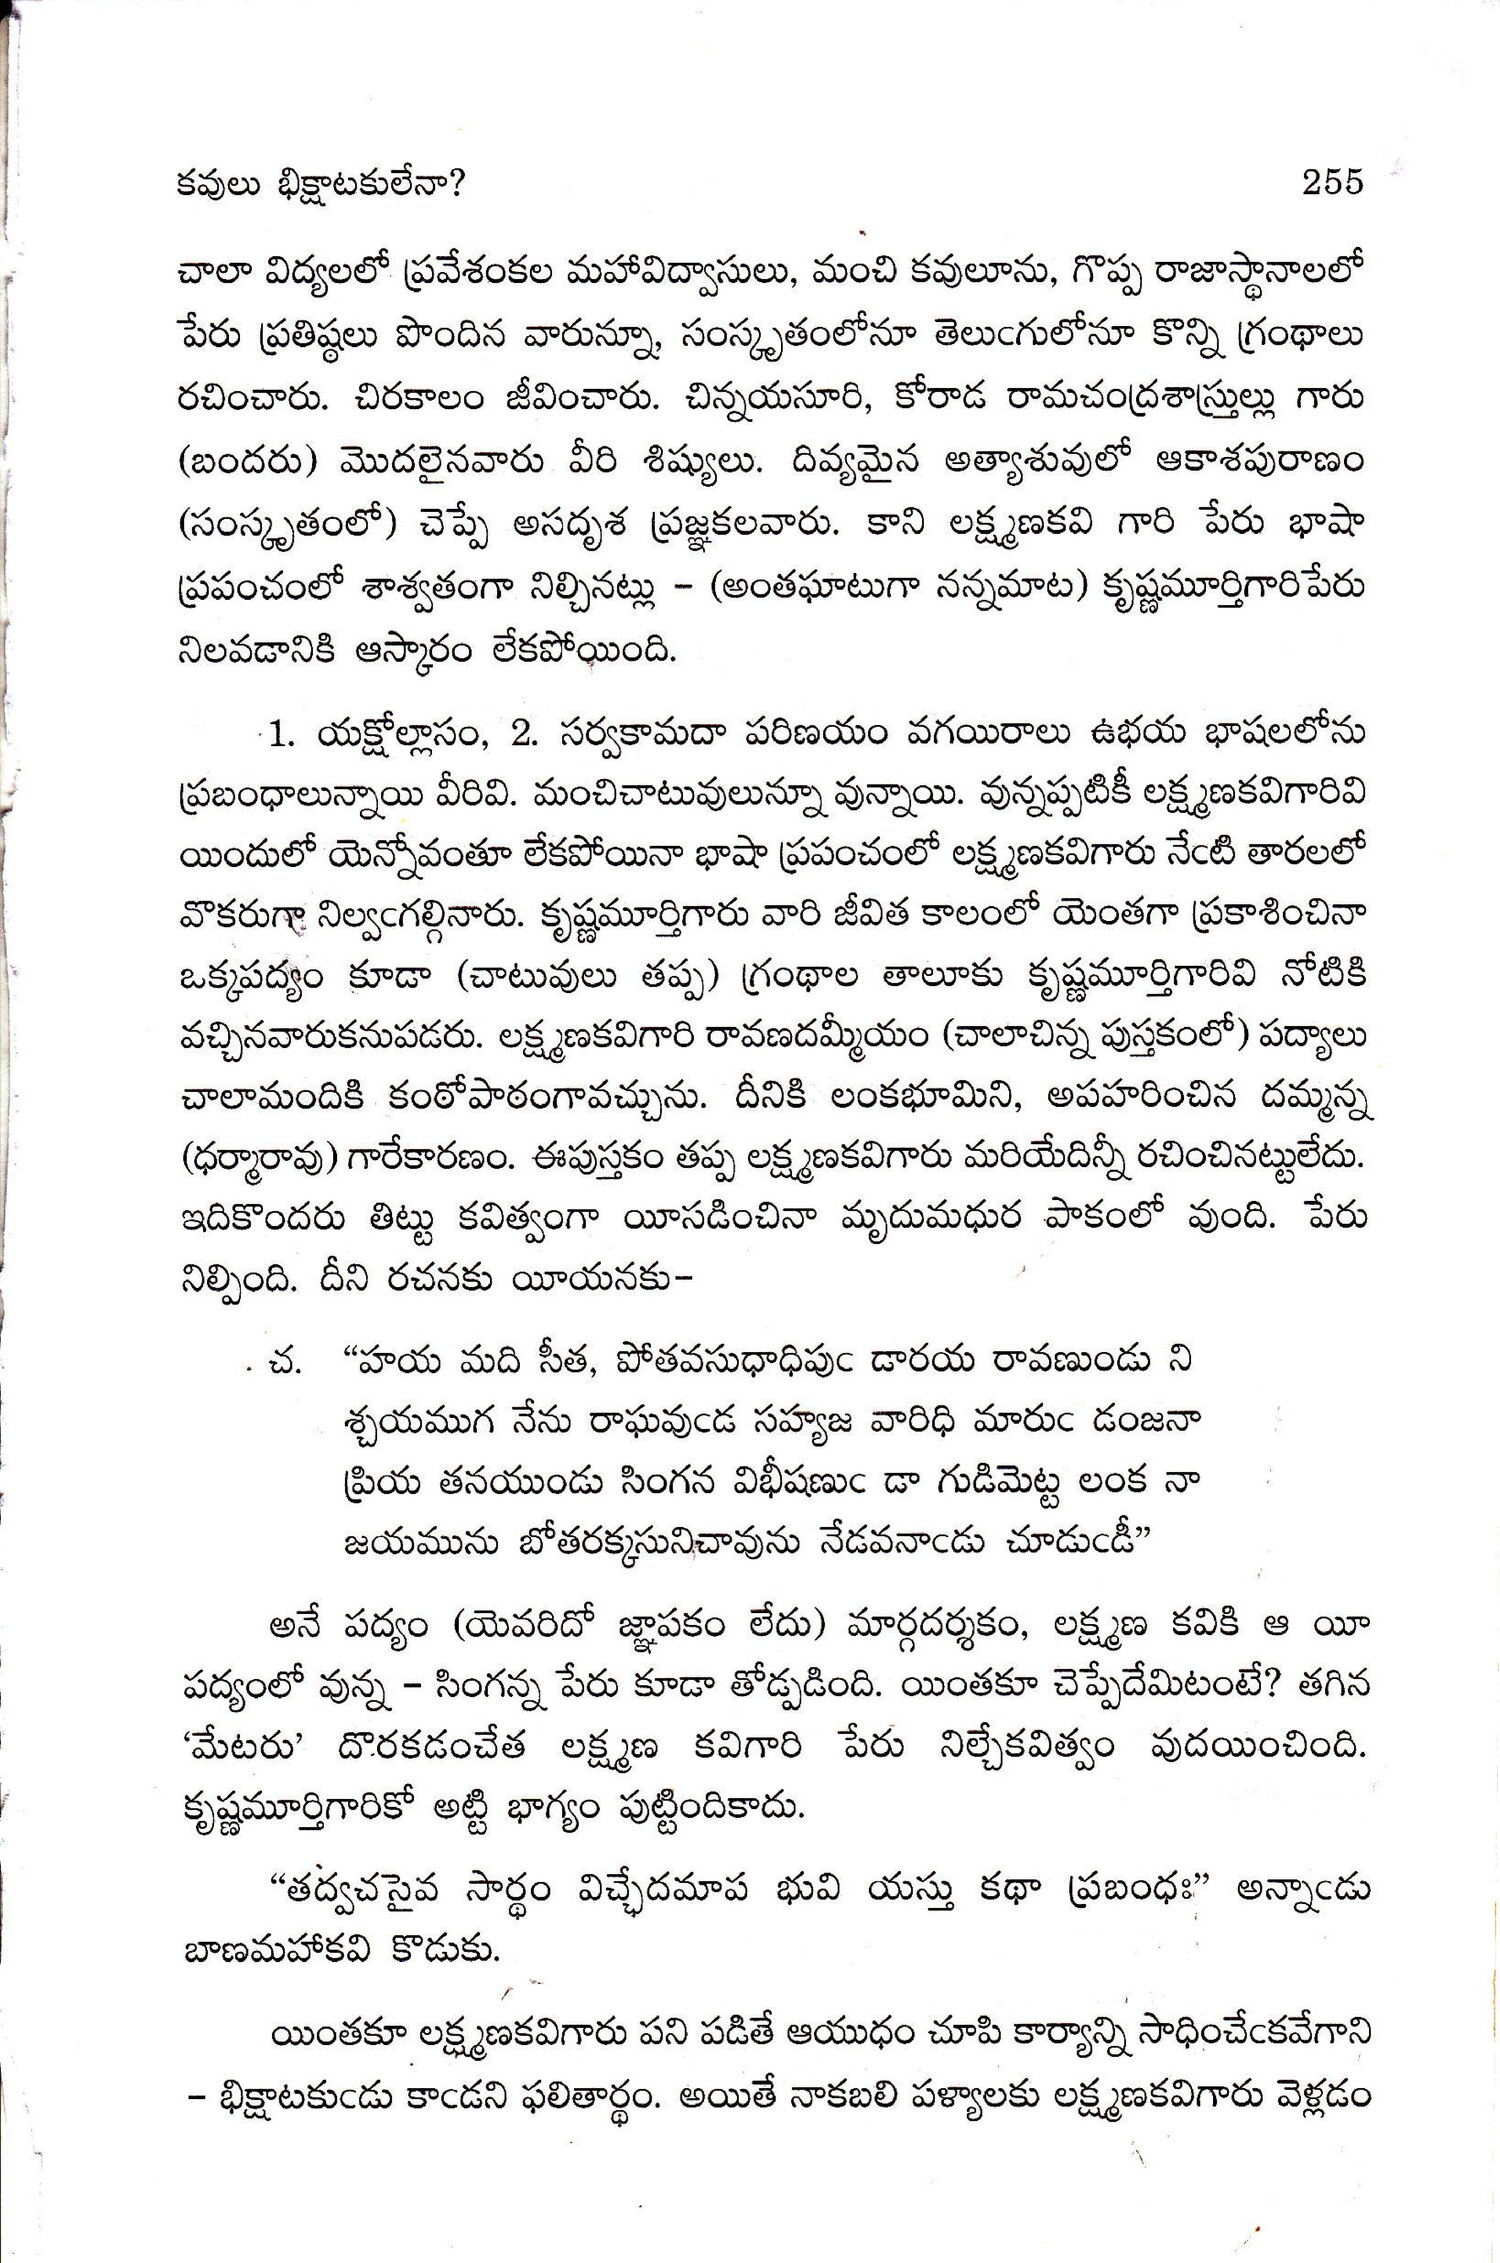చాలా విద్యలలో ప్రవేశంకల మహావిద్వాంసులు, మంచి కవులూను, గొప్ప రాజాస్థానాలలో పేరు ప్రతిష్ఠలు పొందిన వారున్నూ, సంస్కృతంలోనూ తెలుఁగులోనూ కొన్ని గ్రంథాలు రచించారు. చిరకాలం జీవించారు. చిన్నయసూరి, కోరాడ రామచంద్రశాస్త్రుల్లు గారు (బందరు) మొదలైనవారు వీరి శిష్యులు. దివ్యమైన అత్యాశువులో ఆకాశపురాణం (సంస్కృతంలో) చెప్పే అసదృశ ప్రజ్ఞకలవారు. కాని లక్ష్మణకవి గారి పేరు భాషా ప్రపంచంలో శాశ్వతంగా నిల్చినట్లు - (అంతఘాటుగా నన్నమాట) కృష్ణమూర్తిగారిపేరు నిలవడానికి ఆస్కారం లేకపోయింది.

1. యక్షోల్లాసం, 2. సర్వకామదా పరిణయం వగయిరాలు ఉభయ భాషలలోను ప్రబంధాలున్నాయి వీరివి. మంచిచాటువులున్నూ వున్నాయి. వున్నప్పటికీ లక్ష్మణకవిగారివి యిందులో యెన్నోవంతూ లేకపోయినా భాషా ప్రపంచంలో లక్ష్మణకవిగారు నేcటి తారలలో వొకరుగా నిల్వఁగల్గినారు. కృష్ణమూర్తిగారు వారి జీవిత కాలంలో యెంతగా ప్రకాశించినా ఒక్కపద్యం కూడా (చాటువులు తప్ప) గ్రంథాల తాలూకు కృష్ణమూర్తిగారివి నోటికి వచ్చినవారుకనుపడరు. లక్ష్మణకవిగారి రావణదమ్మీయం (చాలాచిన్న పుస్తకంలో) పద్యాలు చాలామందికి కంతోపాఠంగావచ్చును. దీనికి లంకభూమిని, అపహరించిన దమ్మన్న (ధర్మారావు) గారేకారణం. ఈపుస్తకం తప్ప లక్ష్మణకవిగారు మరియేదిన్నీ రచించినట్టులేదు. ఇదికొందరు తిట్టు కవిత్వంగా యీసడించినా మృదుమధుర పాకంలో వుంది. పేరు నిల్పింది. దీని రచనకు యీయనకు-

చ. “హయ మది సీత, పోతవసుధాధిపుఁ డారయ రావణుండు ని
 శ్చయముగ నేను రాఘవుఁడ సహ్యజ వారిధి మారుఁ డంజనా 
 ప్రియ తనయుండు సింగన విభీషణుఁ డా గుడిమెట్ట లంక నా 
 జయమును బోతరక్కసునిచావును నేడవనాఁడు చూడఁడీ"
అనే పద్యం (యెవరిదో జ్ఞాపకం లేదు) మార్గదర్శకం, లక్ష్మణ కవికి ఆ యీ పద్యంలో వున్న - సింగన్న పేరు కూడా తోడ్పడింది. యింతకూ చెప్పేదేమిటంటే? తగిన 'మేటరు' దొరకడంచేత లక్ష్మణ కవిగారి పేరు నిల్చేకవిత్వం వుదయించింది. కృష్ణమూర్తిగారికో అట్టి భాగ్యం పుట్టిందికాదు.

“తద్వచసైవ సార్థం విచ్ఛేదమాప భువి యస్తు కథా ప్రబంధః" అన్నాఁడు బాణమహాకవి కొడుకు.

యింతకూ లక్ష్మణకవిగారు పని పడితే ఆయుధం చూపి కార్యాన్ని సాధించేఁకవేగాని - భిక్షాటకుఁడు కాఁడని ఫలితార్థం. అయితే నాకబలి పళ్యాలకు లక్ష్మణకవిగారు వెళ్లడం